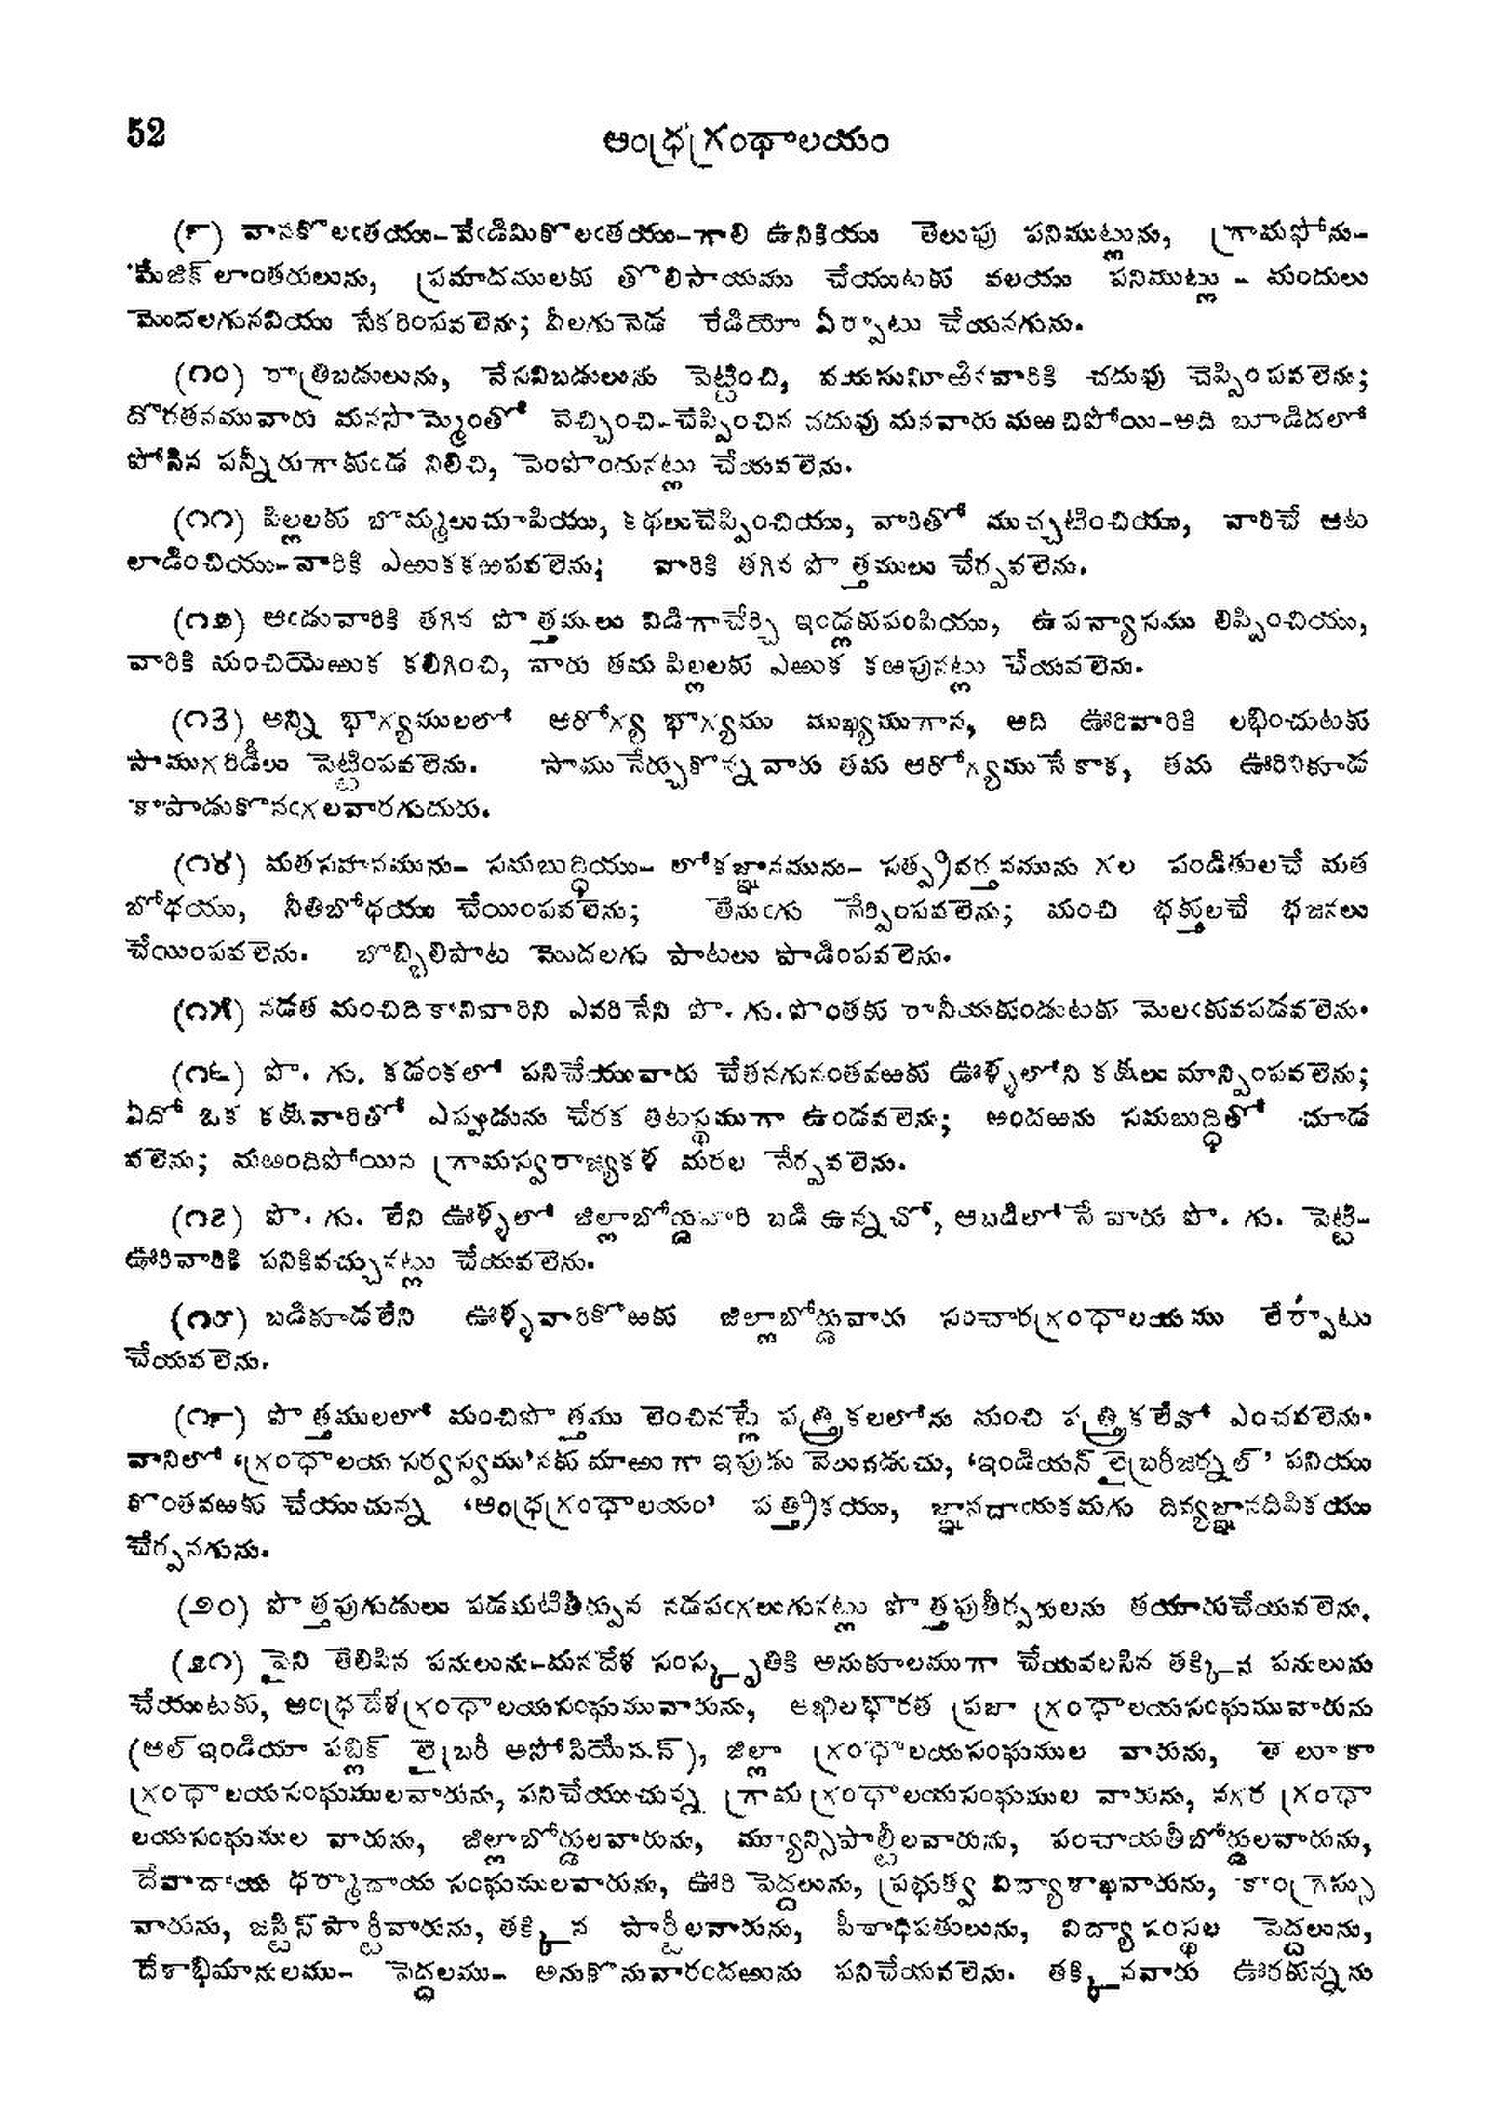(౯) వానకొలఁతయు- వేఁడిమికొలఁతయు-గాలి ఉనికియు తెలుపు పనిముట్లును, గ్రామఫోను-మేజిక్ లాంతరులును, ప్రమాదములకు తొలిసాయము చేయుటకు వలయు పనిముట్లు-మందులు మొదలగునవియు సేకరింపవలెను; వీలగునెడ రేడియో ఏర్పాటు చేయనగును.

(౧౦) రాత్రిబడులును, వేసవిబడులును పెట్టించి, వయసుమీఱినవారికి చదువు చెప్పింపవలెను; దొరతనము వారు మనసొమ్మెంతో వెచ్చించి-చెప్పించిన చదువు మనవారు మఱచిపోయి-అది బూడిదలోపోసిన పన్నీరుగాకుఁడ నిలిచి, పెంపొందునట్లు చేయవలెను.

(౧౧) పిల్లలకు బొమ్మలు చూపియు, కథలు చెప్పించియు, వారితో ముచ్చటించియు, వారిచే ఆట లాడించియు-వారికీ ఎఱుకకఱపవలెను; వారికి తగిన పొత్తములు చేర్పవలెను.

(౧౨) ఆఁడువారికి తగిన పొత్తములు విడిగా చేర్చి ఇండ్లకు పంపియు, ఉపన్యాసము లిప్పించియు, వారికి నుంచియెఱుక కలిగించి, వారు తమ పిల్లలకు ఎఱుక కఱపునట్లు చేయవలెను.
 
(౧3) అన్ని భాగ్యములలో ఆరోగ్య భాగ్యము ముఖ్యముగాన, అది ఊరివారికి లభించుటకు సాముగరిడీలు పెట్టింపవలెను. సాము నేర్చుకొన్నవారు తమ ఆరోగ్యముసేకాక, తమ ఊరినికూడ `కాపాడుకొనఁగలవారగుదురు.
 
(౧౪) మతసహనమును-సమబుద్దియు-లోకజ్ఞానమును-సత్ప్రవర్తనమును గల పండితులచే మతబోధయు, నీతిబోధయు చేయింపవలెను; తెనుఁగు నేర్పింపవలెను; మంచి భక్తులచే భజనలు చేయింపవలెను. బొబ్బిలిపాట మొదలగు పాటలు పాడింపవలెను.

(౧౫) నడత మంచిది కానివారిని ఎవరి నేని పొ.గు.పొ౦తకు రానీయకుండుటకు మెలఁకువపడవలెను.
 
(౧౬) పొ.గు.కడంకలో పనిచేయువారు చేతనగునంతవఱకు ఊళ్ళలోని కక్షలు మాన్పింపవలెను; ఏదో ఒక కక్షవారితో ఎప్పుడును చేరక తటస్థముగా ఉండవలెను; అందఱను సమబుద్ధితో చూడవలెను; అ౦దఱంను సమబుద్దితో చూడవలెను; మఱ౦దిపోయిన గ్రామస్వరాజ్యకళ మరల నేర్పవలెను.

(౧౭) పో.గు. లేని ఊళ్ళలో జిల్లాబోర్డు వారి బడి ఉన్నచో, ఆబడిలోనే వారు పొ.గు.పెట్టీ-ఊరివారికి పనికివచ్చునట్లు చేయవలెను.

(౧౮) బడికూడలేని ఊళ్ళవారికోఱకు ఊళ్ళవారికొఱకు జిల్లాబోర్డు వారు సంచారగ్రంధాలయము లేర్పాటు చేయవలెను.
 
(౧౯) పొత్తములలో మంచిపొత్తము లెంచినట్లే పత్రికలలోను మంచి పత్రికలేవో ఎంచవలెను. వానిలో గ్రంధాలయ సర్వస్వమునకు మాఱుగా ఇప్పుడు వెలువడుచు, 'ఇండియన్ లైబ్రరీజర్నల్' పనియు కొంతవఱకు చేయుచున్న 'ఆంధ్రగ్రంథాలయం' పత్రికయు, జ్ఞానదాయకమగు దివ్యజ్ఞానదీపికయు చేర్పనగును.
 
(౨౦) పొత్తపుగుడులు పడమటి తీర్పున నడపఁగలుగునట్లు పొత్తపుతీర్పకులను తయారుచేయవలెను.
 
(౨౧) పైని తెలిపిన పనులును-మనదేశ సంస్కృతికి అనుకూలముగా చేయవలసిన తక్కిన పనులును చేయుటకు, ఆంధ్రదేశగ్రంధాలయ సంఘమువారును, అఖిలభారత ప్రజా గ్రంధాలయ సంఘము వారును (ఆల్ ఇండియా పబ్లిక్ లైబ్రరీ అసోసియేషన్), జిల్లా గ్రంధాలయ సంఘముల వారును, తాలూకా గ్రంధాలయ సంఘములవారును, పనిచేయుచున్న గ్రామ గ్రంథాలయ సంఘముల వారును, నగర గ్రంథాలయ సంఘముల వారును, జిల్లాబోర్డుల వారును, మునిసిపాల్టీలవారును, పంచాయతీబోర్డుల వారును, దేవాదాయ ధర్మాదాయ సంఘములవారును, ఊరి పెద్దలును, ప్రభుత్వ విద్యాశాఖవారును, కాంగ్రెస్సు వారును, జస్టిస్ పార్టీవారును, తక్కిన పార్టీలవారును, పీఠాధిపతులును, విద్యాసంస్థల పెద్దలును, దేశాభిమానులము-పెద్దలము అనుకొనువారందఱును పనిచేయవలెను. తక్కినవారు ఊరకున్నను